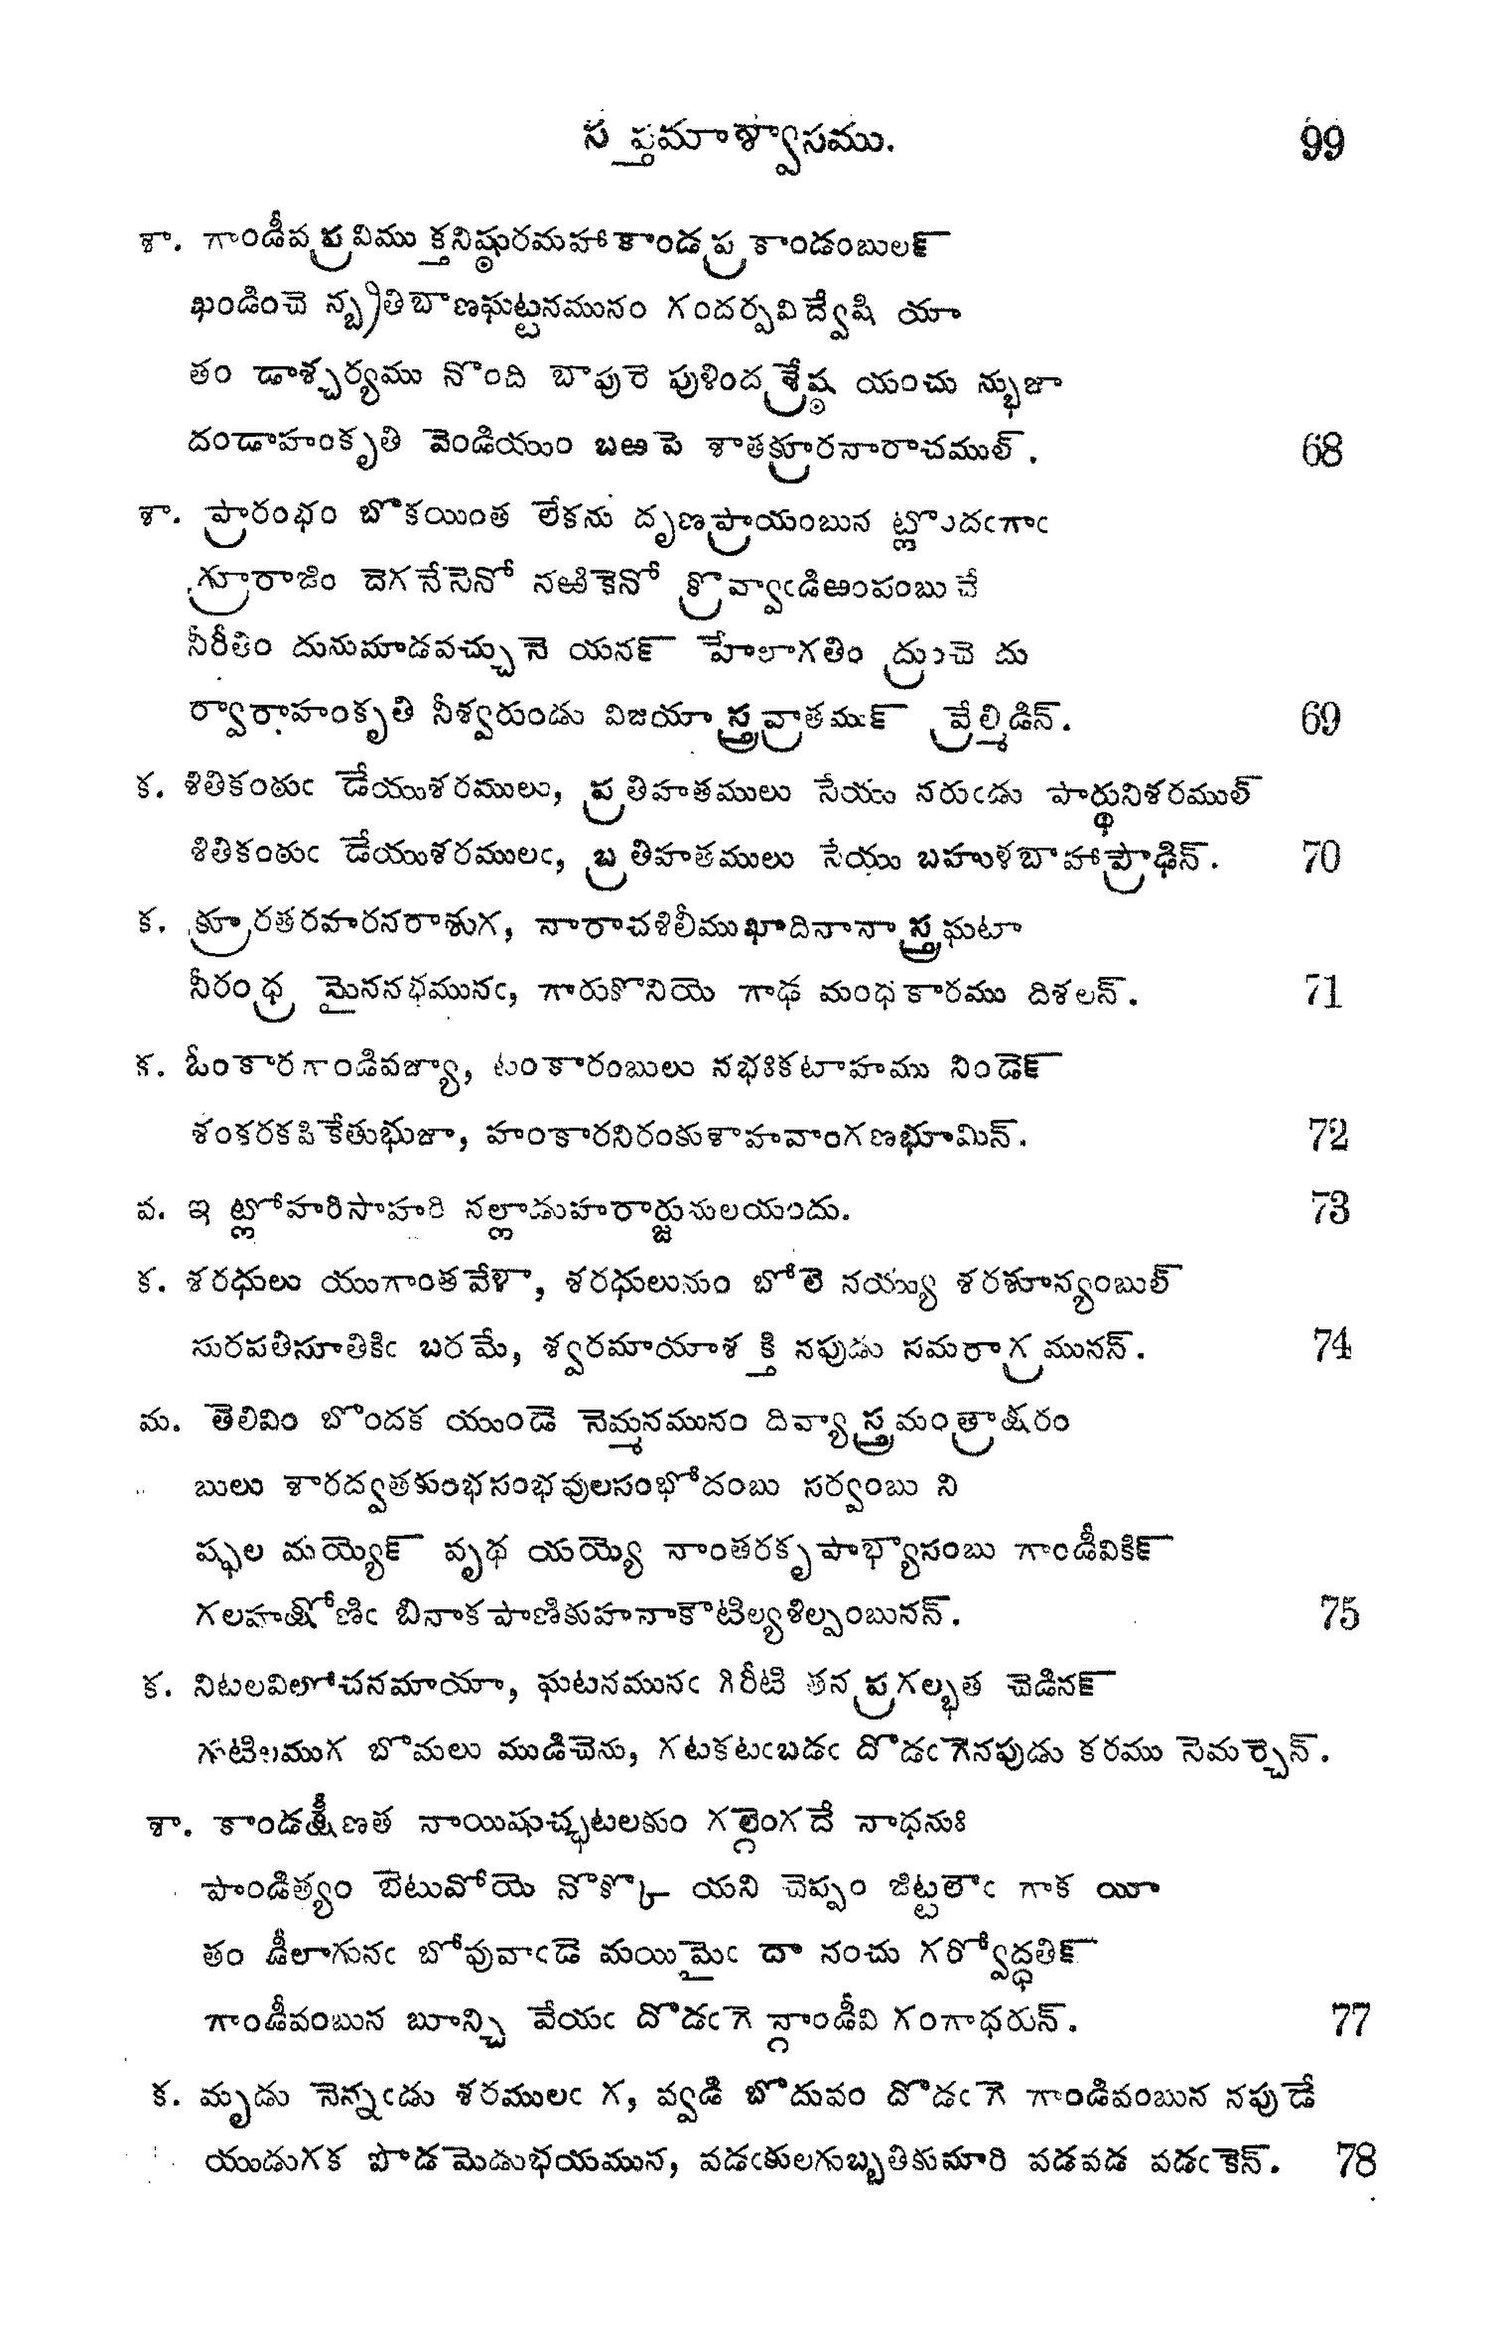శా. గాండీవప్రవిముక్తనిష్ఠురమహాకాండప్రకాండంబులన్
ఖండించె న్బ్రతిబాణఘట్టనమునం గందర్పవిద్వేషి యా
తం డాశ్చర్యము నొంది బాపురె పుళిందశ్రేష్ఠ యంచు న్భుజా
దండాహంకృతి వెండియుం బఱపె శాతక్రూరనారాచముల్. 68

శా. ప్రారంభం బొకయింత లేకను దృణప్రాయంబున ట్లొందఁగాఁ
గ్రూరాజిం దెగనేసెనో నఱికెనో కొవ్వాఁడిఱంపంబుచే
నీరీతిం దునుమాడవచ్చునె యనన్ హేలాగతిం ద్రుంచె దు
ర్వారాహంకృతి నీశ్వరుండు విజయాస్త్రవ్రాతమున్ వ్రేల్మిడిన్. 69

క. శితికంఠుఁ డేయుశరములు, ప్రతిహతములు సేయు నరుఁడు పార్టునిశరముల్
శితికంఠుఁ డేయుశరములఁ, బ్రతిహతములు సేయు బహుళబాహాప్రౌఢిన్. 70

క. క్రూరతరహరనరాశుగ, నారాచశిలీముఖాదినానాస్త్రఘటా
నీరంధ్ర మైననభమునఁ, గారుకొనియె గాఢ మంధకారము దిశలన్. 71

క. ఓంకారగాండివజ్యా, టంకారంబులు నభఃకటాహము నిండెన్
శంకరకపికేతుభుజా, హంకారనిరంకుశాహవాంగణభూమిన్. 72

వ. ఇ ట్లోహరిసాహరి నల్లాడుహరార్జునులయందు. 73

క. శరధులు యుగాంతవేళా, శరధులునుం బోలె నయ్యు శరశూన్యంబుల్
సురపతిసూతికిఁ బరమే, శ్వరమాయాశక్తి నపుడు సమరాగ్రమునన్. 74

మ. తెలివిం బొందక యుండె నెమనమునం దివ్యాస్త్రమంత్రాక్షరం
బులు శారద్వతకుంభసంభవులసంభోదంబు సర్వంబు ని
ష్ఫల మయ్యెన్ వృథ యయ్యె నాంతరకృపాభ్యాసంబు గాండీవికిన్
గలహక్షోణిఁ బినాకపాణికుహనాకౌటిల్యశిల్పంబునన్. 75

క. నిటలవిలోచనమాయా, ఘటనమునఁ గిరీటి తనప్రగల్బత చెడినన్
గుటిలముగ బోమలు ముడిచెను, గటకటఁబడఁ దొడఁగెనపుడు కరము సెమర్చెన్.76

శా. కాండక్షీణత నాయిషుచ్ఛటలకుం గల్గెంగదే నాధనుః
పాండిత్యం బెటువోయె నొక్కొ యని చెప్పం జిట్టలౌఁ గాక యీ
తం డీలాగునఁ బోవువాఁడె మయిమైఁ దా నంచు గర్వోద్ధతిన్
గాండీవంబున బూన్చి వేయఁ దొడఁగె న్గాండీవి గంగాధరున్. 77

క. మృడు నెన్నఁడు శరములఁ గ, వ్వడి బొదువం దొడఁగె గాండివంబున నపుడే
యుడుగక పొడమెడుభయమున, వడఁకులగుబ్బతికుమారి వడవడ వడఁకెన్. 78